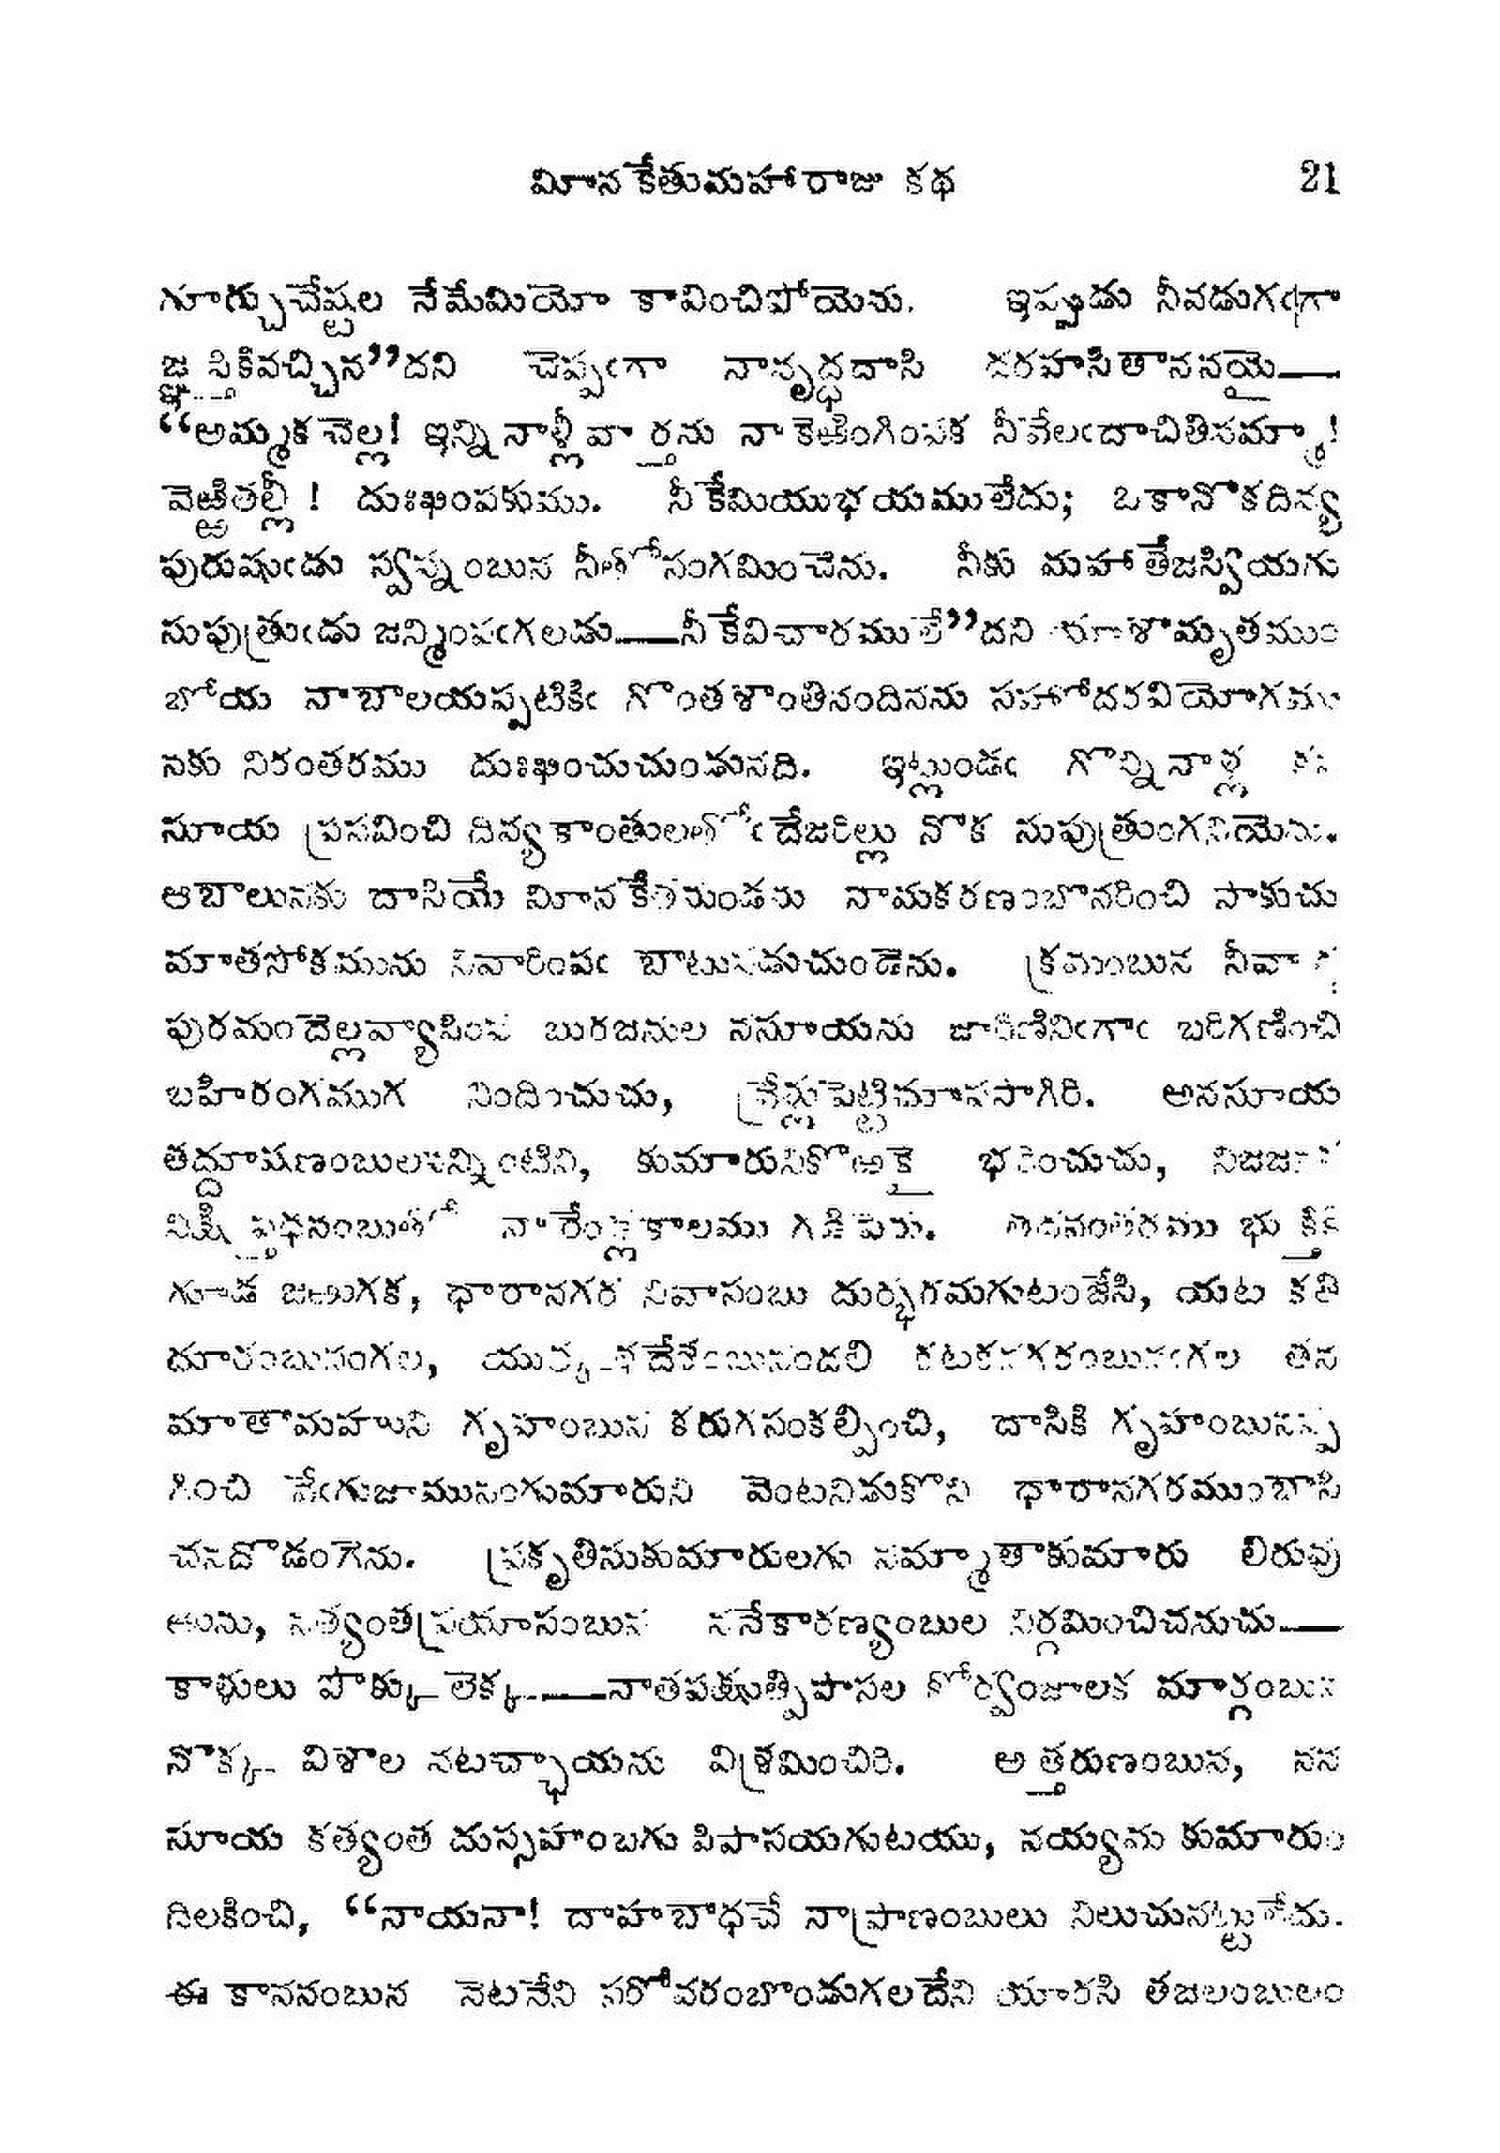గూర్చుచేష్టల నేమేమియో కావించిపోయెను. ఇప్పుడు నీవడుగఁగా జ్ఞప్తికి వచ్చిన"దని చెప్పఁగా నావ్రుద్ధదాసి దరహసి తాననయై——"అమ్మక చెల్ల! ఇన్ని నాళ్లీ వార్తను నా కెఱింగింపక నీవేలఁదాచితివమ్మా ! వెఱ్ఱితల్లీ ! దుఃఖింపకుము. నీ కేమియుభయము లేదు; ఒకానొక దివ్యపురుషుఁడు స్వప్నంబున నీతో సంగమించెను. నీకు మహా తేజస్వియగు సుపుత్రుఁడు జన్మింపఁగలడు——నీకేవిచారము లే"దని యాశామృతముం బోయ నాబాలయప్పటికిఁ గొంతశాంతినందినను సహోదర వియోగమునకు నిరంతరము దుఃఖించుచుండునది. ఇట్లుండఁ గొన్నినాళ్లకనసూయ ప్రసవించి దివ్య కాంతులతోఁ దేజరిల్లు నొక సుపుత్రుంగనియెను. ఆబాలునకు దాసియే మీనకేతనుండను నామకరణం బొనరించి సాకుచు మాతసోకమును నివారింపం బాటుపడుచుండెను. క్రమంబున నీవార్త పురమం దెల్లవ్యాపించి బురజనుల నసూయను జారిణీనిఁగాఁ బరిగణించి
బహిరంగముగ నిందించుచు, వ్రేళ్లుపెట్టి చూపసాగిరి. అనసూయ తద్దూషణంబులన్నింటిని, కుమారుని కొఱకై భరించుచు, నిజజనక నిక్షిప్తధనంబుతో నారేండ్ల కాలము గడిపెను.తదనంతరము భుక్తికి గూడ జఱుగక, ధారానగర నివాసంబు దుర్భరమగుటం జేసి, యట కతి దూరంబునంగల యుత్కళదేశంబునందలి కటకనగరంబునఁగల తన మాతామహుని గృహంబున కరుగ సంకల్పించి, దాసికి గృహంబునప్పగించి వేఁగుజామునంగుమారుని వెంటనిడుకొని ధారానగరముం బాసి
చనదొడంగెను. ప్రకృతిసుకుమారులగు నమ్మాతాకుమారు లిరువుఱును, నత్యంత ప్రయాసంబున ననేకారణ్యంబుల నిర్గమించిచనుచు——కాళులు పొక్కు లెక్క——నాతపక్షుత్పిపాసల కోర్వంజాలక మార్గంబున నొక్క. విశాల వటచ్ఛాయను విశ్రమించిరి. అత్తరుణంబున, ననసూయ కత్యంత దుస్సహంబగు పిపాసయగుటయు, నయ్యను కుమారుందిలకించి, "నాయనా! దాహబాధచే నాప్రాణంబులు నిలుచునట్టులేదు. ఈ కాననంబున నెటనేని సరోవరంబొండుగలదేని యారసి తజలంబులం